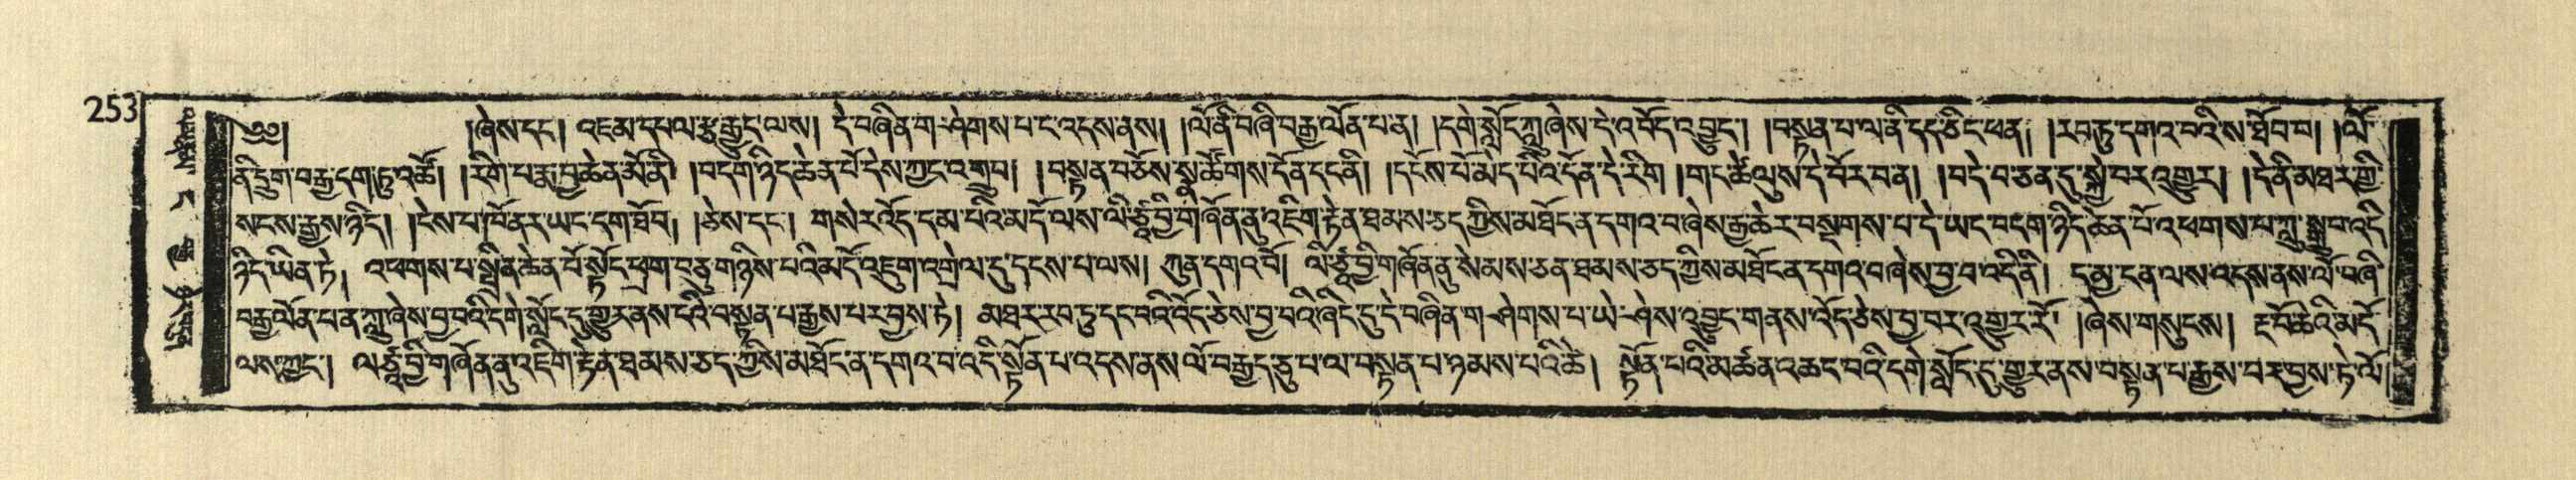༄༅། །ཞེས་དང་། འཇམ་དཔལ་རྩ་རྒྱུད་ལས། དེ་བཞིན་གཤེགས་པ་ང་འདས་ནས། །ལོ་ནི་བཞི་བརྒྱ་ལོན་པ་ན། །དགེ་སློང་ཀླུ་ཞེས་དེ་འབོད་འབྱུང་། །བསྟན་པ་ལ་ནི་དད་ཅིང་ཕན། །རབ་ཏུ་དགའ་བའི་ས་ཐོབ་བ། །ལོ་
ནི་དྲུག་བརྒྱ་དག་ཏུ་འཚོ། །རིག་པ་རྨ་བྱ་ཆེན་མོ་ནི། །བདག་ཉིད་ཆེན་པོ་དེས་ཀྱང་འགྲུབ། །བསྟན་བཅོས་སྣ་ཚོགས་དོན་དང་ནི། །དངོས་པོ་མེད་པའི་དོན་དེ་རིག །གང་ཚེ་ལུས་དེ་བོར་བ་ན། །བདེ་བ་ཅན་དུ་སྐྱེ་བར་འགྱུར། །དེ་ནི་མཐར་གྱི་
སངས་རྒྱས་ཉིད། །ངེས་པ་ཁོ་ནར་ཡང་དག་ཐོབ། །ཅེས་དང་། གསེར་འོད་དམ་པའི་མདོ་ལས་ལི་ཙཱ་བྱི་གཞོན་ནུ་འཇིག་རྟེན་ཐམས་ཅད་ཀྱིས་མཐོང་ན་དགའ་བ་ཞེས་རྒྱ་ཆེར་བསྔགས་པ་དེ་ཡང་བདག་ཉིད་ཆེན་པོ་འཕགས་པ་ཀླུ་སྒྲུབ་འདི་
ཉིད་ཡིན་ཏེ། འཕགས་པ་སྤྲིན་ཆེན་པོ་སྟོང་ཕྲག་བཅུ་གཉིས་པའི་མདོ་འཇུག་འགྲེལ་དུ་དངས་པ་ལས། ཀུན་དགའ་བོ། ལི་ཙཱ་བྱི་གཞོན་ནུ་སེམས་ཅན་ཐམས་ཅད་ཀྱིས་མཐོང་ན་དགའ་བ་ཞེས་བྱ་བ་འདི་ནི། ད་མྱ་ངན་ལས་འདས་ནས་ལོ་བཞི་
བརྒྱ་ལོན་པ་ན་ཀླུ་ཞེས་བྱ་བའི་དགེ་སློང་དུ་གྱུར་ནས་ངའོ་བསྟན་པ་རྒྱས་པར་བྱས་ཏེ། མཐར་རབ་ཏུ་དང་བའི་འོད་ཅེས་བྱ་བའི་ཞིང་དུ་དེ་བཞིན་གཤེགས་པ་ཡེ་ཤེས་འབྱུང་གནས་འོད་ཅེས་ཅེས་བྱ་བར་འགྱུར་རོ། །ཞེས་གསུངས། རྡ་བོ་ཆེའི་མདོ་
ལས་ཀྱང་། ལཙཱ་བྱི་གཞོན་ནུ་འཇིག་རྟེན་ཐམས་ཅད་ཀྱིས་མཐོང་ན་དགའ་བ་འདི་སྟོན་པ་འདས་ནས་ལོ་བརྒྱད་ཅུ་པ་ལ་བསྟན་པ་ཉམས་པའི་ཚེ། སྟོན་པའི་མཚན་འཆང་བའི་དགེ་སློང་དུ་གྱུར་ནས་བསྟན་པ་རྒྱས་པར་བྱས་ཏེ་ལོ་